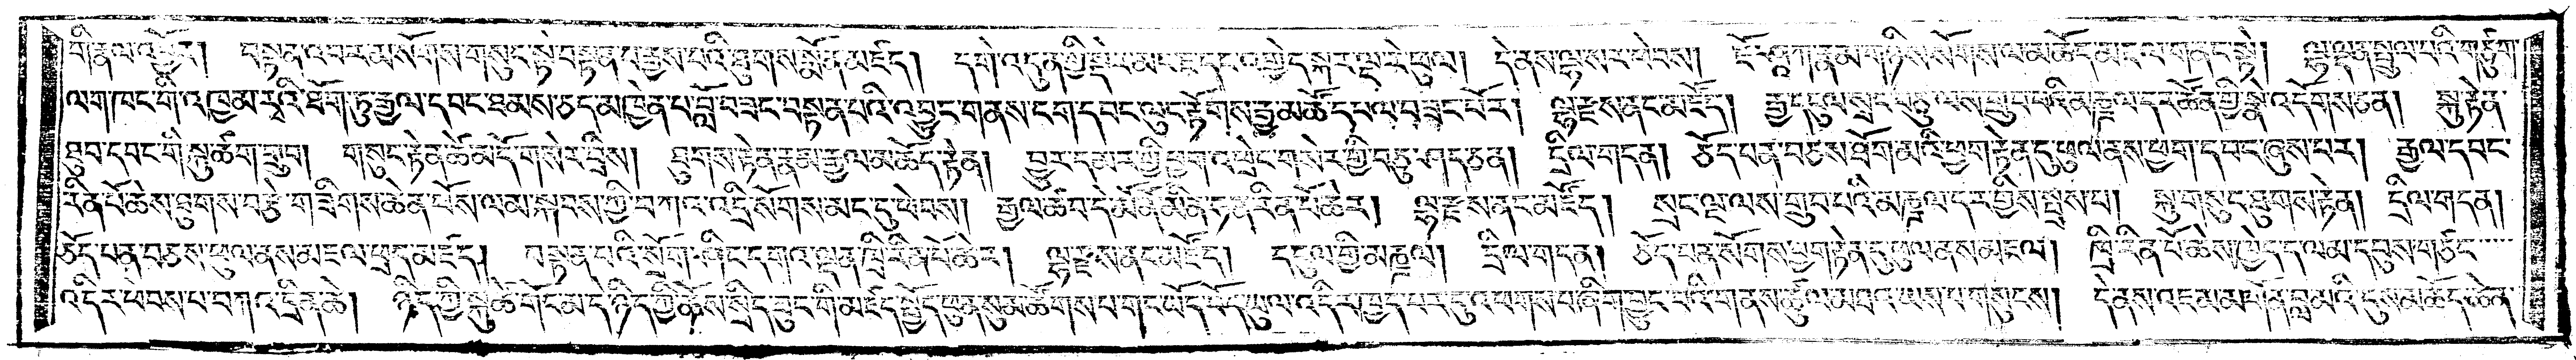གི་རྣལ་འབྱོར། བསྟན་འབར་མ་སོགས་གསུང་སྟེ་བསྟན་པ་རྒྱས་པའི་ཐུགས་སྨོན་མཛད། དགེ་འདུན་གྱི་སྡེར་མང་ཇ་དང་འགྱེད་སྐར་ལྔ་རེ་ཕུལ། དེ་ནས་ལྷ་སར་ཕེབས། ཇོ་ཤཱཀ་རྣམ་གཉིས་སོགས་ལ་མཆོད་མཇལ་གནང་སྟེ། ལྷ་ལྡན་སྤྲུལ་བའི་གཙུག་
ལག་ཁང་གི་འཁྱམ་རྭའི་ཐོག་ཏུ་རྒྱལ་དབང་ཐམས་ཅད་མཁྱེན་པ་བློ་བཟང་བསྟན་པའི་འབྱུང་གནས་ངག་དབང་ལུང་རྟོགས་རྒྱ་མཚོ་དཔལ་བཟང་པོར། ལྷ་རྫས་ནང་མཛོད། རྒྱ་དངུལ་སྲང་བཅུ་ལས་གྲུབ་བའི་མཎྜལ་དར་ཚོན་གྱི་སྣེ་འདོགས་ཅན། སྐུ་རྟེན་
ཐུབ་དབང་གི་སྐུ་ཚག་གྲུབ། གསུང་རྟེན་ཚེ་མདོ་གསེར་བྲིས། ཐུགས་རྟེན་རྣམ་རྒྱལ་མཆོད་རྟེན། བྱུར་དམར་གྱི་ཕྱག་འཕྲེང་གསེར་གྱི་བཅུ་ཤད་ཅན། དྲིལ་གདན། ཅོད་པན་བཅས་ཐོག་མའི་ཕྱག་རྟེན་དུ་ཕུལ་ནས་ཕྱག་དབང་ཞུས་པར། རྒྱལ་དབང་
རིན་པོ་ཆེས་ཐུགས་བརྩེ་གཟིགས་ཆེན་ཕོས་ལམ་སྐབས་ཀྱི་བཀའ་འདྲི་སོགས་མང་དུ་ཕེབས། རྒྱལ་ཚབ་དེ་མོ་ནོ་མིན་ཧན་རིན་པོ་ཆེར། ལྷ་རྫས་ནང་མཛོད། སྲང་ལྔ་ལས་གྲུབ་པའི་མཎྜལ་དར་གྱིས་སྤྲས་པ། སྐུ་གསུང་ཐུགས་རྟེན། དྲིལ་གདན།
ཅོད་པན་བཅས་ཕུལ་ནས་མཇལ་ཕྲད་མཛད། བསྟན་པའི་སྲོག་ཤིང་དགའ་ལྡན་ཁྲི་རིན་པོ་ཆེར། ལྷ་རྫས་ནང་མཛོད། དངུལ་གྱི་མཎྜལ། དྲིལ་གདན། ཅོད་པན་སོགས་ཕྱག་རྟེན་དུ་ཕུལ་ནས་མཇལ། ཁྲི་རིན་པོ་ཆེས་ཁྱེད་ད་ལམ་དབུས་གཙང་
འདིར་ཕེབས་པ་བཀའ་དྲིན་ཆེ། ཉིད་ཀྱི་སྐུ་ཚེ་གོང་མ་དེ་ཉིད་ཀྱི་ཆོས་སྲིད་ཟུང་གི་མཛད་སྤྱོད་ཕུན་སུམ་ཚོགས་པ་གང་ཡོད་བོད་ཡུལ་འདིར་ཁྱད་པར་དུ་འཕགས་པ་ཞིག་བྱུང་བའི་གནས་ཚུལ་མཐའ་ཡས་པ་གསུངས། དེ་ནས་འཇམ་མགོན་བླ་མའི་དུས་མཆོད་ཆེན་